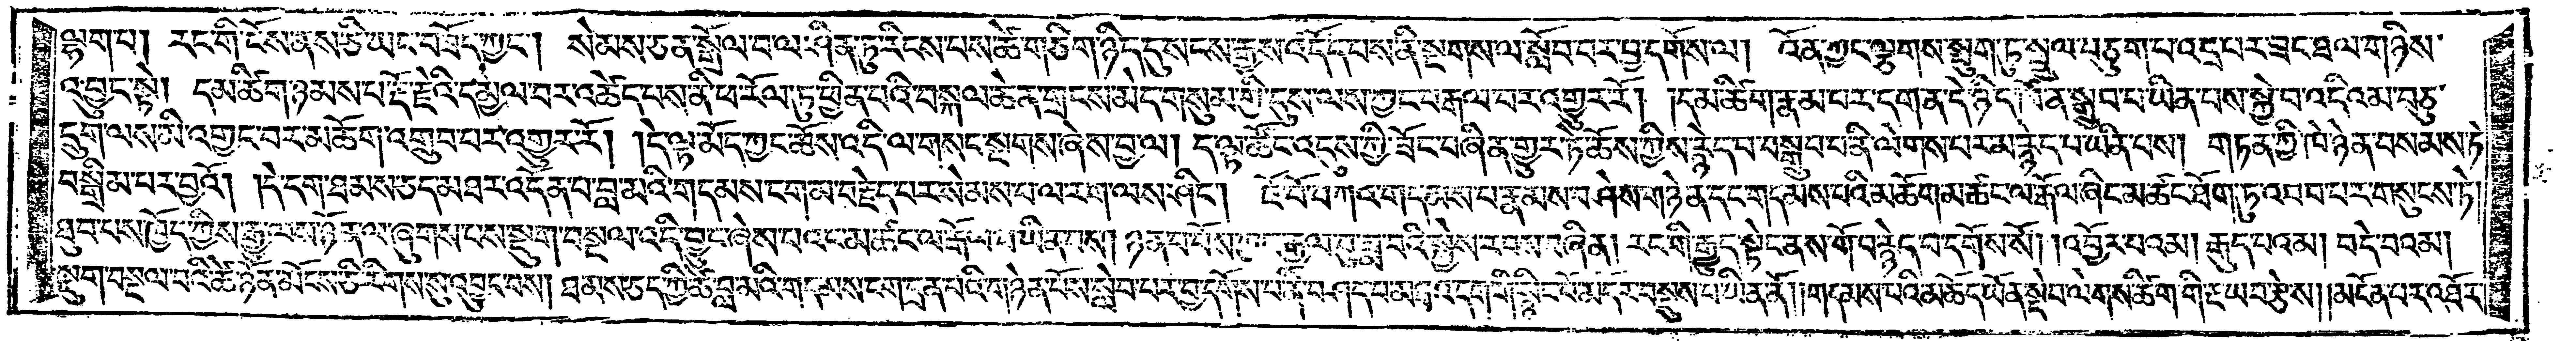ལྷག་པ། རང་གི་ངོས་ནས་ཅི་ཡང་བཟོད་ཀྱང་། སེམས་ཅན་སྒྲོལ་བ་ལ་ཤིན་ཏུ་རིངས་བས་ཚེ་གཅིག་ཉིད་དུ་སངས་རྒྱས་འདོད་པས་ནི་སྔགས་ལ་སློབ་པར་བྱ་དགོས་ལ། འོན་ཀྱང་ལྕགས་སྦུག་ཏུ་སྦྲུལ་བཅུག་པ་འདྲ་བར་ཟང་ཐལ་གཉིས་
འབྱུང་སྟེ། དམ་ཚིག་ཉམས་པ་རྡོ་རྗེའི་དམྱལ་བར་འཚེད་པས་ནི་ཕ་རོལ་ཏུ་ཕྱིན་པའི་བསྐལ་ཆེན་གྲངས་མེད་གསུམ་གྱི་དུས་ལས་ཀྱང་བརྒལ་བར་འགྱུར་རོ། །དམ་ཚིག་རྣམ་བར་དག་ན་དེ་ཉིད་ཁོ་ན་སྒྲུབ་པ་ཡིན་བས་སྐྱེ་བ་འདིའམ་བཅུ་
དྲུག་ལས་མི་འགྱང་བར་མཆོག་འགྲུབ་པར་འགྱུར་རོ། །དེ་ལྟ་མོད་ཀྱང་ཆོས་འདི་ལ་གསང་སྔགས་ཞེས་བྱ་ལ། ད་ལྟ་ཚོང་འདུས་ཀྱི་ཟོང་བཞིན་གྱུར་ཏེ་ཆོས་ཀྱིས་རྙེད་པ་བསྒྲུབ་པ་ནི་ལེགས་པར་མ་རྙེད་པ་ཡིན་པས། གཏན་ཀྱི་ཁེ་ཉེན་བསམས་ཏེ་
བསྒྲིམ་པར་བྱའོ། །དེ་དག་ཐམས་ཅད་མཐར་འདོན་པ་བླ་མའི་གདམས་ངག་མ་བརྗེད་པར་སེམས་པ་ལ་རག་ལས་ཤིང་། ཇོ་བོ་བཀའ་གདམས་པ་རྣམས་བཤེས་གཉེན་དང་གདམས་པའི་མཆོག་མཚང་ལ་རྒོལ་ཞིང་མཚང་ཐོག་ཏུ་འབབ་པར་གསུངས་ཏེ།
ཐུབ་པས་ཁྱོད་ཀྱིས་རྒྱུ་ལས་ཉོན་ལ་ཞུགས་པས་སྡུག་བསྔལ་འདི་བྱུང་ཞེས་པའང་མཚང་ལ་རྒོལ་བ་ཡིན་པས། ཉན་པ་པོས་ཀྱང་རྒྱལ་བུ་ཟླ་བའི་སྐྱེས་རབས་བཞིན། རང་གི་རྒྱུད་སྟེང་ནས་གོ་བ་རྙེད་བ་དགོས་སོ། །འབྱོར་བའམ། རྒུད་པའམ། བདེ་བའམ།
སྡུག་བསྔལ་བའི་ཚེ་ཉོན་མོངས་ཅི་རིགས་སུ་འབྱུང་བས། ཐམས་ཅད་ཀྱི་ཚེ་བླ་མའི་གདམས་ངག་དྲན་པའི་གཉེན་པོས་སླེབ་པར་བྱ་དགོས་པ་ནི་བཤད་པ་མཐའ་དག་གི་སྙིང་པོ་མདོར་བསྡུས་པ་ཡིན་ནོ། །གདམས་པའི་མཆོད་ཡོན་སྡེབ་ལེགས་ཚིག་གི་རྔ་ཡབ་རྩེས། །མངོན་པར་འཐོར་